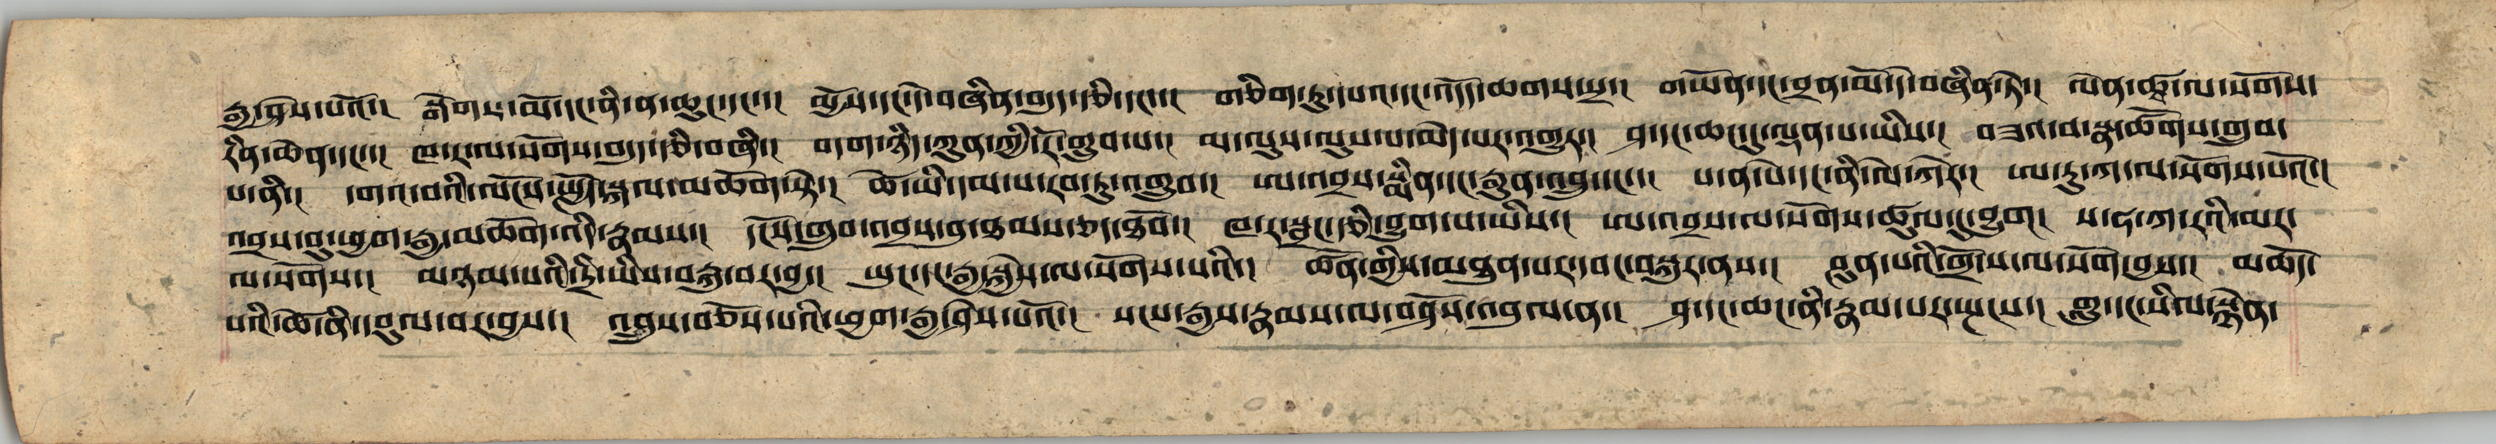རྒྱ་ཤེས་པའོ་། སྒེགས་མོ་དང་ནི་ན་ཆུང་དང་་། མྱོས་དང་དེ་བཞིན་བདུད་རྩི་དང་་། གཅིག་ཏུ་དཔའ་དང་འདོད་ཆགས་པྲ་། གཡོན་དང་བྲན་མོ་དེ་བཞིན་ཏེ་། ལེན་ཚྭ་ལ་སོགས་
རིན་ཆེན་དང་་། ཁ་ར་ལ་སོགས་བདུད་རྩི་བཞི་། བདག་ཉིད་ཀུན་ཀྱི་རོ་གྲུབ་པ་། མ་ལུས་ལུས་པ་མེད་པར་འགྱུར་། ཤ་དང་ཆང་དུ་ལྡན་པ་ཡིས་། བཟའ་བ་སྣ་ཚོགས་གྲུབ་
པ་ནི་། དགའ་བའི་ལོངས་སྤྱོད་སྐལ་མཆོག་སྟེ་། ཚེ་ཡི་དམ་པ་རབ་ཏུ་འགྲུབ་། ཨ་འབྲས་སྨིན་དང་རྨུན་འབྲུ་དང་་། པ་ན་པེ་དང་ནི་ལེ་ཀེར་། ཨ་རུ་ཀ་ལ་སོགས་པའོ་།
འབྲས་བུ་ཕྱག་རྒྱ་མཆོག་འདི་རྣམས་། དངོས་གྲུབ་འབྲས་བུ་ཐམས་ཅད་ཐོབ་། ཁ་ར་སྦྲང་རྩི་བྱུག་པ་ཡིས་། ཨ་འབྲས་ལ་སོགས་ཚུལ་དུ་བྱུག། ས་ཧ་ཀ་རའི་མར་
ལ་སོགས་། མཉམ་པའི་དྲི་ཡིས་བརྐུ་བར་བྱ་། ཡུང་དང་རྒྱ་སྐྱེས་ལ་སོགས་པའི་། ཚོན་གྱིས་མཐུན་པར་དབང་བསྐུར་ནས་། ཤུན་པའི་གྲོ་ས་ལ་སོག་བྱས་། མཆོད་
པའི་ཆོ་ནི་དབུལ་བར་བྱས་། འབྲུས་བཅོས་པའི་ཕྱག་རྒྱ་ཤེས་པའོ་། སངས་རྒྱས་རྣམས་ལ་བཤོས་འབུལ་ན་། ཤ་དང་ཆང་ནི་རྣམ་པར་སྤངས་། གླུ་དང་སིལ་སྙེན་